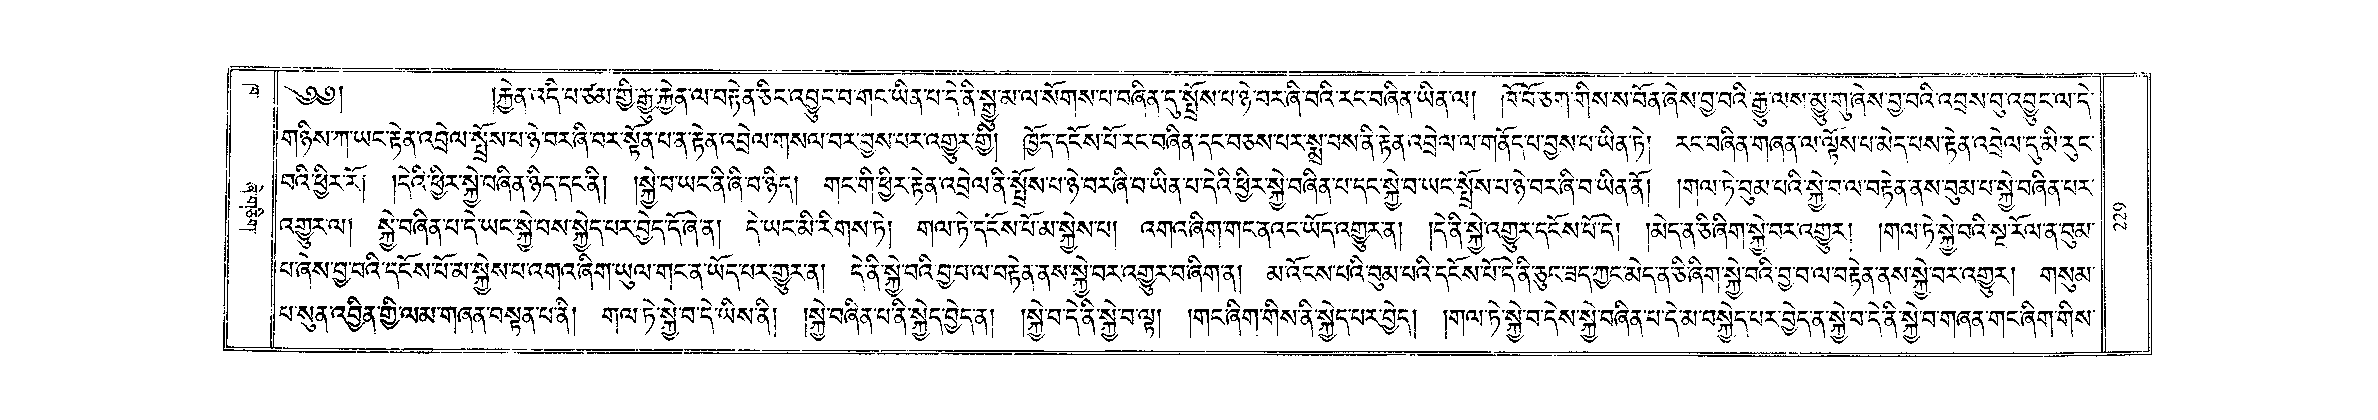༄༅། །རྐྱེན་འདི་པ་ཙམ་གྱི་རྒྱུ་རྐྱེན་ལ་བརྟེན་ཅིང་འབྱུང་བ་གང་ཡིན་པ་དེ་ནི་སྒྱུ་མ་ལ་སོགས་པ་བཞིན་དུ་སྤྲོས་པ་ཉེ་བར་ཞི་བའི་རང་བཞིན་ཡིན་ལ། ཁོ་བོ་ཅག་གིས་ས་བོན་ཞེས་བྱ་བའི་རྒྱུ་ལས་མྱུ་གུ་ཞེས་བྱ་བའི་འབྲས་བུ་འབྱུང་ལ་དེ་
གཉིས་ཀ་ཡང་རྟེན་འབྲེལ་སྤྲོས་པ་ཉེ་བར་ཞི་བར་སྟོན་པ་ན་རྟེན་འབྲེལ་གསལ་བར་བྱས་པར་འགྱུར་གྱི། ཁྱོད་དངོས་པོ་རང་བཞིན་དང་བཅས་པར་སྨྲ་པས་ནི་རྟེན་འབྲེལ་ལ་གནོད་པ་བྱས་པ་ཡིན་ཏེ། རང་བཞིན་གཞན་ལ་ལྟོས་པ་མེད་པས་རྟེན་འབྲེལ་དུ་མི་རུང་
བའི་ཕྱིར་རོ། །དེའི་ཕྱིར་སྐྱེ་བཞིན་ཉིད་དང་ནི། །སྐྱེ་བ་ཡང་ནི་ཞི་བ་ཉིད། གང་གི་ཕྱིར་རྟེན་འབྲེལ་ནི་སྤྲོས་པ་ཉེ་བར་ཞི་བ་ཡིན་པ་དེའི་ཕྱིར་སྐྱེ་བཞིན་པ་དང་སྐྱེ་བ་ཡང་སྤྲོས་པ་ཉེ་བར་ཞི་བ་ཡིན་ནོ། །གལ་ཏེ་བུམ་པའི་སྐྱེ་བ་ལ་བརྟེན་ནས་བུམ་པ་སྐྱེ་བཞིན་པར་
འགྱུར་ལ། སྐྱེ་བཞིན་པ་དེ་ཡང་སྐྱེ་བས་སྐྱེད་པར་བྱེད་དོ་ཞེ་ན། དེ་ཡང་མི་རིགས་ཏེ། གལ་ཏེ་དངོས་པོ་མ་སྐྱེས་པ། འགའ་ཞིག་གང་ནའང་ཡོད་འགྱུར་ན། །དེ་ནི་སྐྱེ་འགྱུར་དངོས་པོ་དེ། །མེད་ན་ཅི་ཞིག་སྐྱེ་བར་འགྱུར། །གལ་ཏེ་སྐྱེ་བའི་སྔ་རོལ་ན་བུམ་
པ་ཞེས་བྱ་བའི་དངོས་པོ་མ་སྐྱེས་པ་འགའ་ཞིག་ཡུལ་གང་ན་ཡོད་པར་གྱུར་ན། དེ་ནི་སྐྱེ་བའི་བྱ་བ་ལ་བརྟེན་ནས་སྐྱེ་བར་འགྱུར་བ་ཞིག་ན། མ་འོངས་པའི་བུམ་པའི་དངོས་པོ་དེ་ནི་ཅུང་ཟད་ཀྱང་མེད་ན་ཅི་ཞིག་སྐྱེ་བའི་བྱ་བ་ལ་བརྟེན་ནས་སྐྱེ་བར་འགྱུར། གསུམ་
པ་སུན་འབྱིན་གྱི་ལམ་གཞན་བསྟན་པ་ནི། གལ་ཏེ་སྐྱེ་བ་དེ་ཡིས་ནི། །སྐྱེ་བཞིན་པ་ནི་སྐྱེད་བྱེད་ན། །སྐྱེ་བ་དེ་ནི་སྐྱེ་བ་ལྟ། །གང་ཞིག་གིས་ནི་སྐྱེད་པར་བྱེད། །གལ་ཏེ་སྐྱེ་བ་དེས་སྐྱེ་བཞིན་པ་དེ་མ་བསྐྱེད་པར་བྱེད་ན་སྐྱེ་བ་དེ་ནི་སྐྱེ་བ་གཞན་གང་ཞིག་གིས་